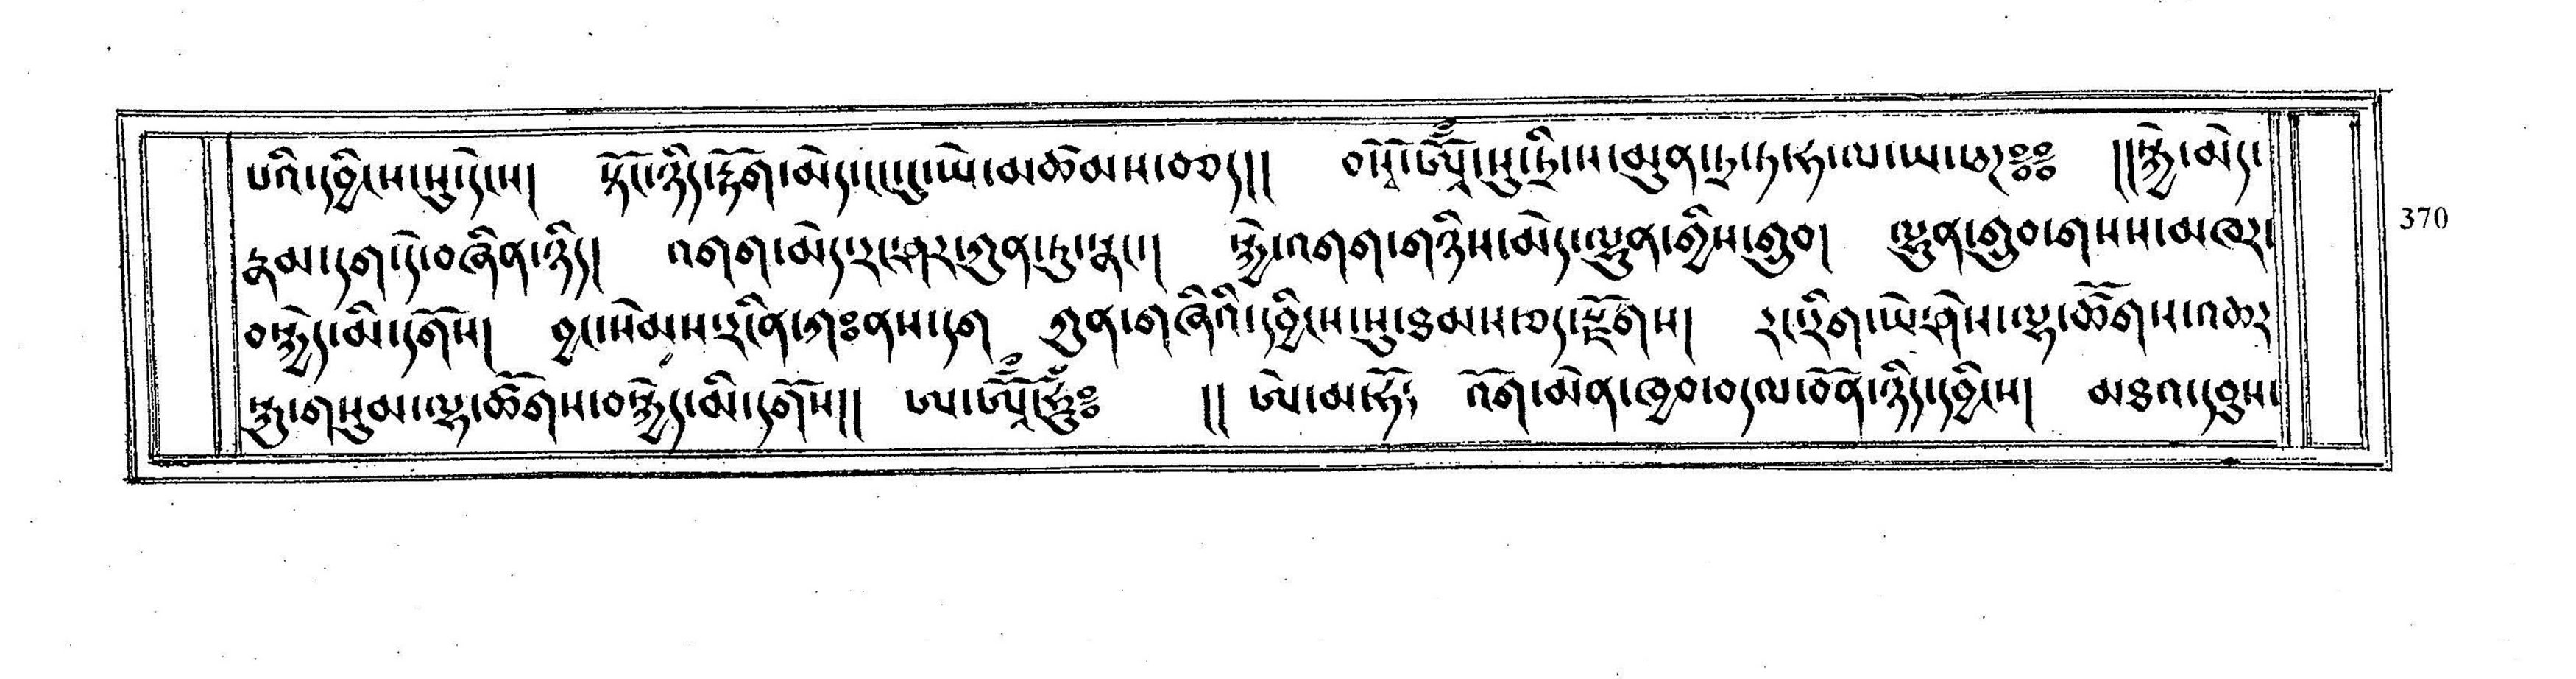པའི་དབྱིངས་སུ་དེངས། སྟོང་ཉིད་རྟོག་མེད་ངང་དུ་ཡེ་མཚམས་བཅད།། བསྭོ་ཨཱོཾ་སུ་ཏྲི་སུ་ཏྲི་ས་མུན་ཏྲ་ཏ་ཧ་ལ་ཡ་ཕཊ༔༔ །།སྐྱེ་མེད་
རྣམ་དག་དེ་བཞིན་ཉིད། འགག་མེད་རང་ཤར་ཀུན་ཏུ་སྣང་། སྐྱེ་འགག་གཉིས་མེད་ལྷུན་གྱིས་གྲུབ། ལྷུན་གྲུབ་གསས་མཁར་
བསྐྱེད་མི་དགོས། བྱང་སེམས་རང་བཞིན་ཀཿནས་དག ཀུན་གཞིའི་དབྱིངས་སུ་ཐམས་ཅད་རྫོགས། རང་རིག་ཡེ་ཤེས་ལྷ་ཚོགས་འཆར་
སྐུ་གསུམ་ལྷ་ཚོགས་བསྐྱེད་མི་དགོས།། ཨ་ཨཱོཾ་ཧཱུྃ༔ །།ཨེ་མ་ཧོ འོག་མིན་ཁྱབ་བདལ་བོན་ཉིད་དབྱིངས། མཐའ་དབུས་